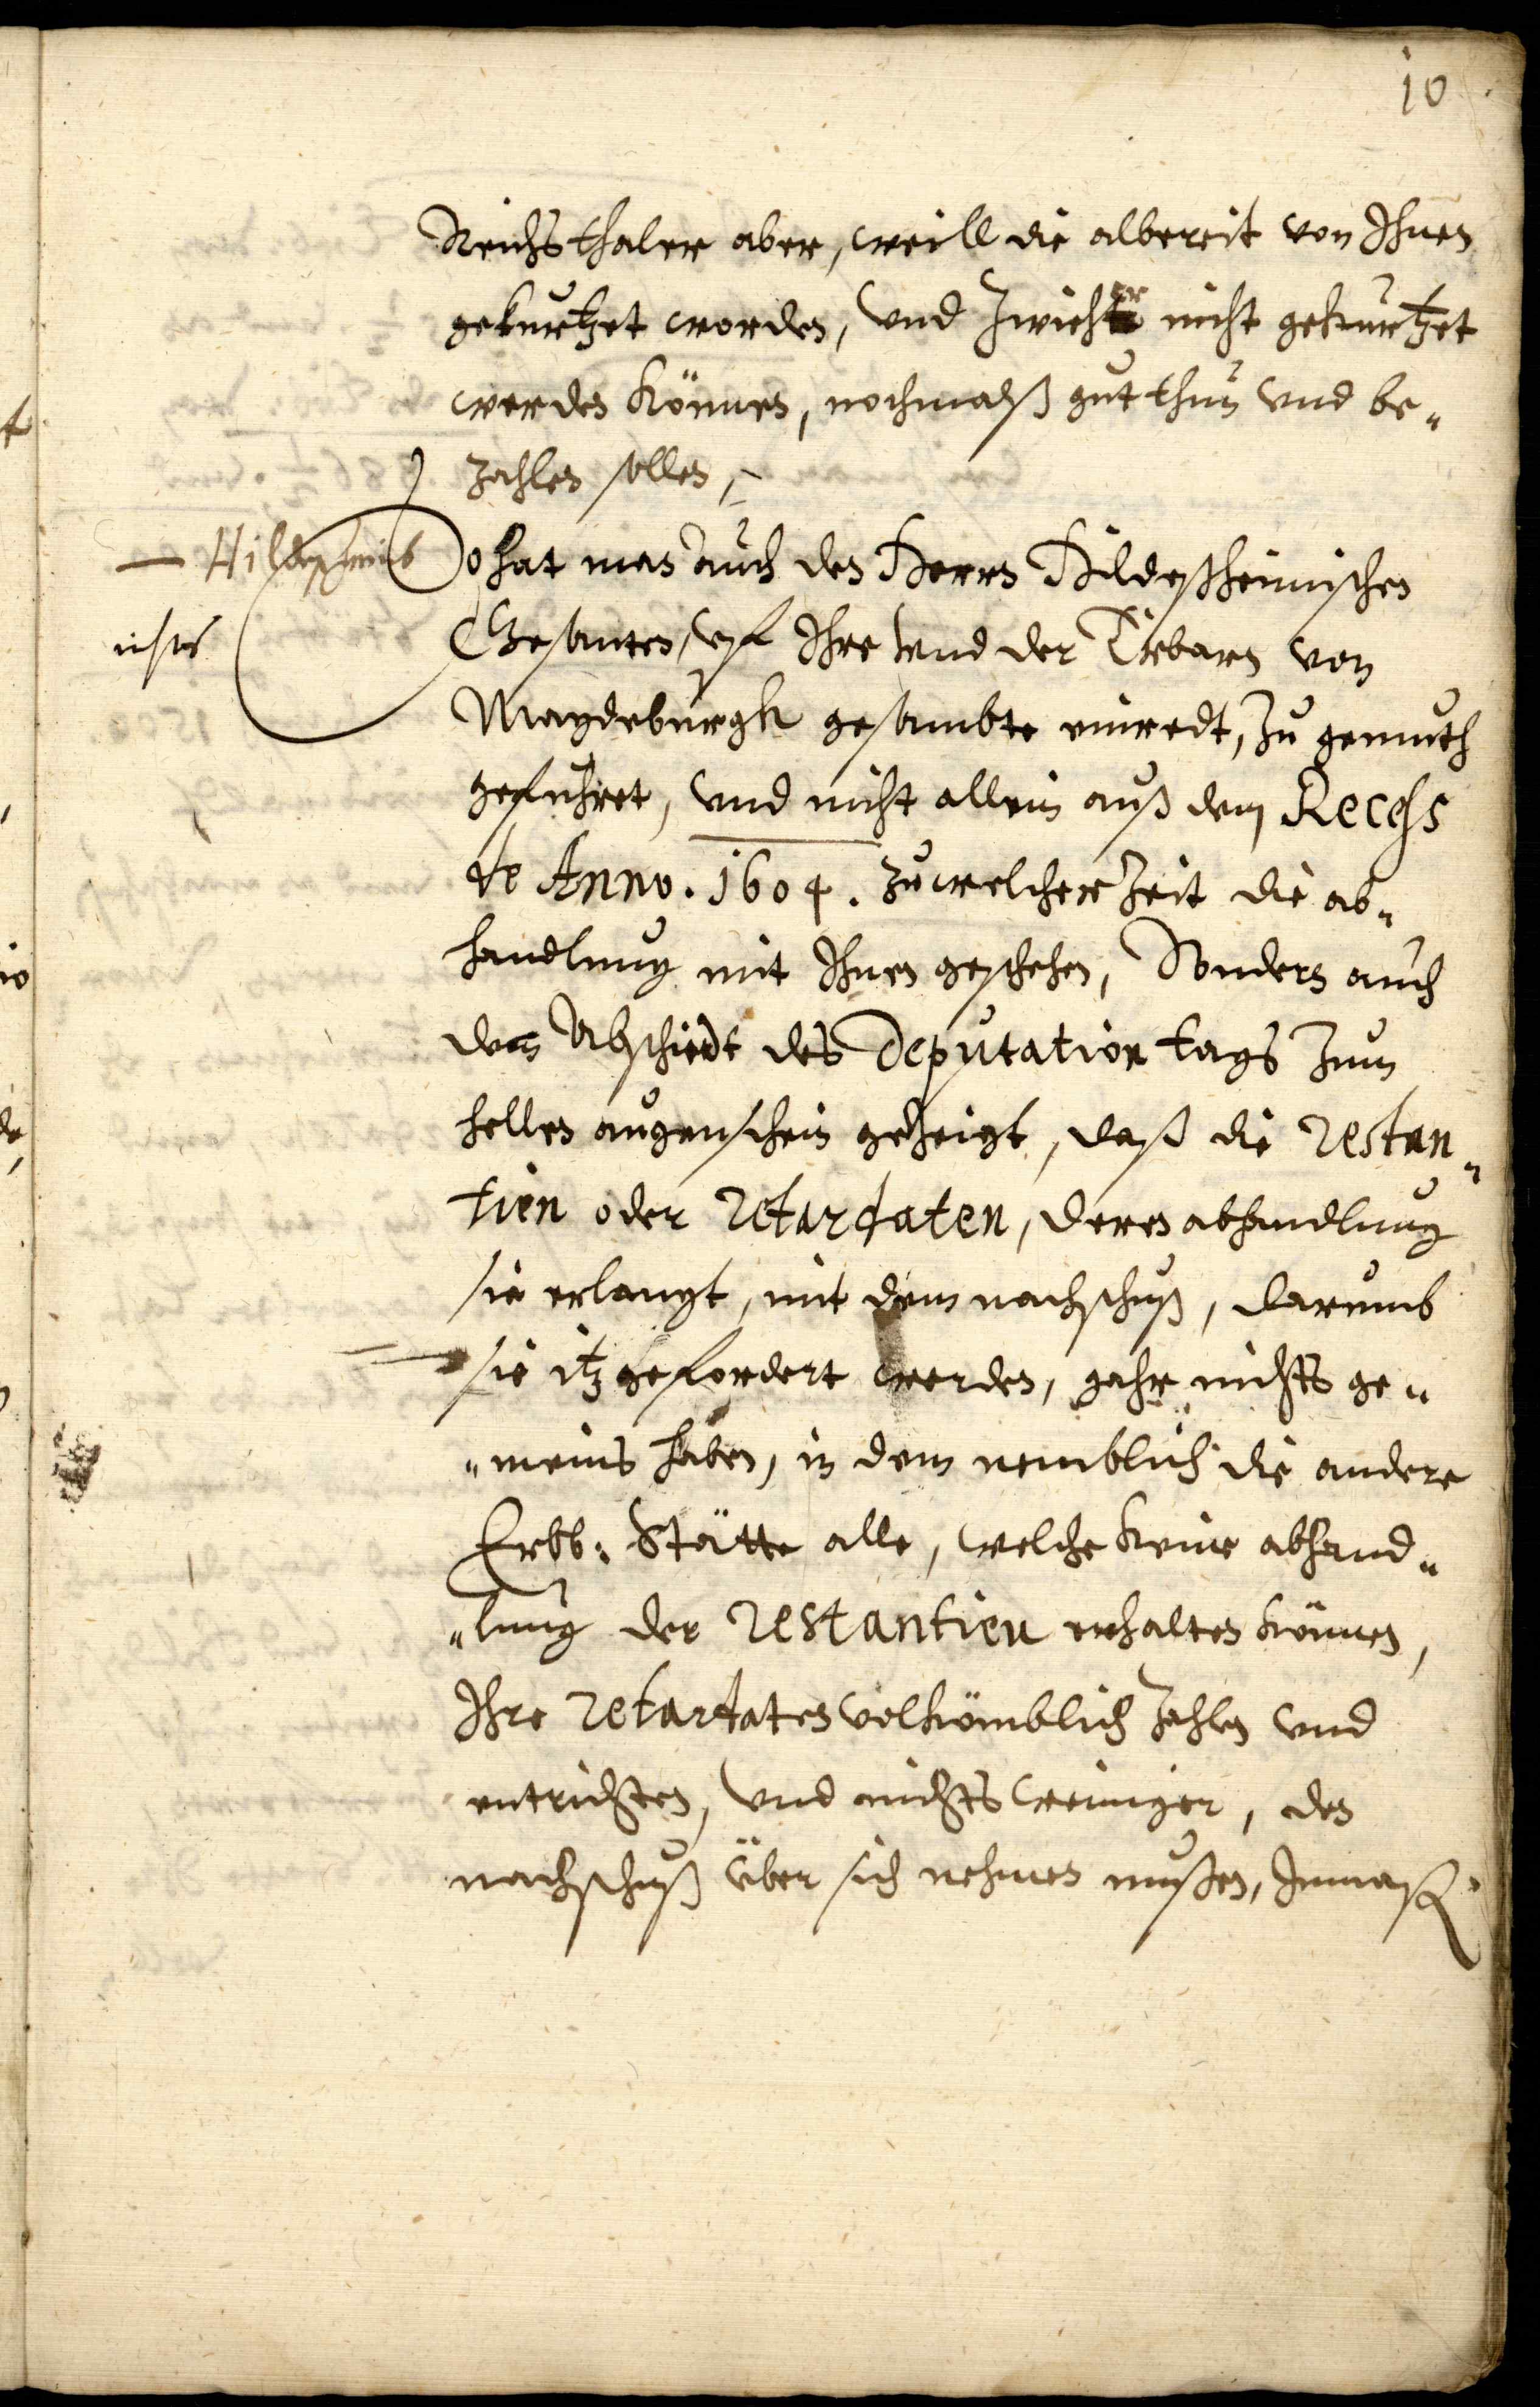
10
Reichsthaler aber, weill die albereit von Ihnen
gekurtzet worden, vnd zwiehter nicht gekurtzet
werden können, nochmalß gut thun vnd be¬
zahlen sollen,
So hat man Auch den Herrn Hildeßheimischen
Gesanten, vf Ihre vnd der Erbarn von
Magdeburgk gesambte einredt, zu gemuth
gefuhret, vnd nicht allein auß dem Recess
de Anno . 1604 . zu welcher Zeit die ab¬
handlung mit Ihnen geschehen, Sondern auch
dem Abschiedt des Deputation tags zum
hellen augenschein gezeigt, daß die restan¬
tien oder retardaten, deren abhandlung
sie erlangt, mit dem nachschuß, darumb
sie itz gefordet werden, gahr nichts ge¬
meins haben, in dem nemblich die andern
Erbb: Stätte alle, welche keine abhand¬
lung der restantien erhalten können,
Ihre retardaten volkömblich zahlen vnd
entrichten, vnd nichts weiniger, den
nachschuß vber sich nehmen mußen, Inmaßen
- Hildeßheimb
ichtes
